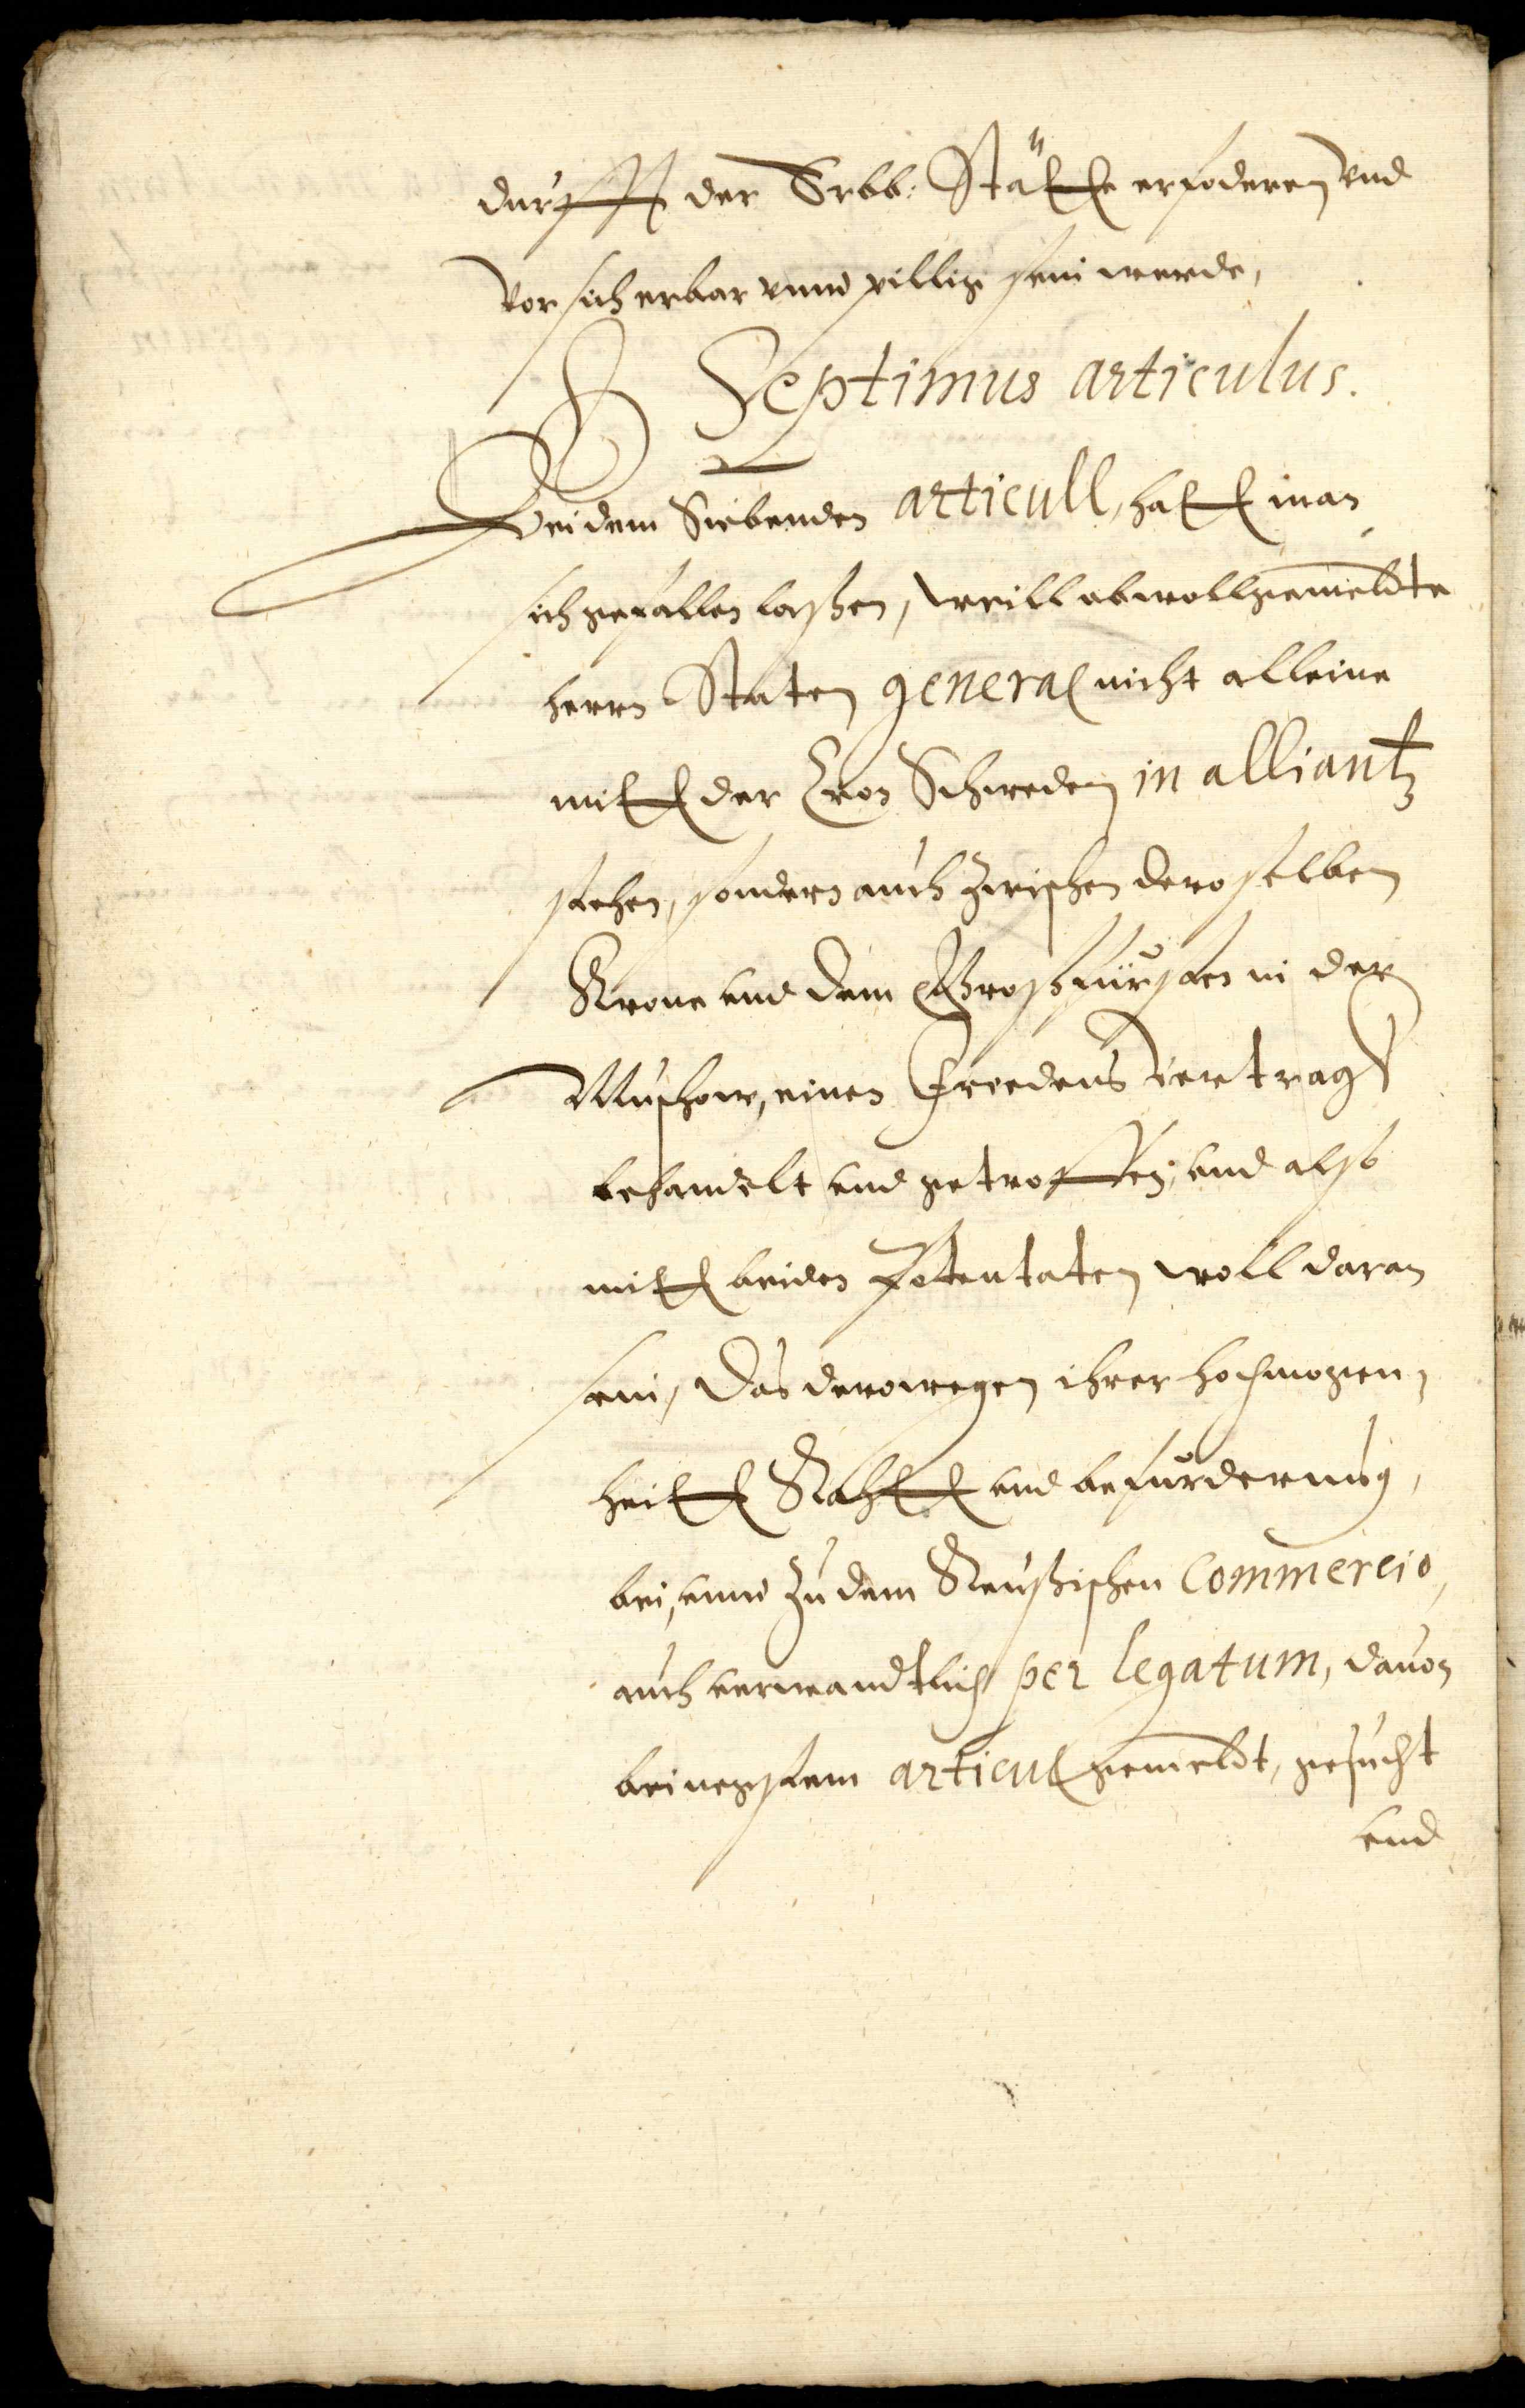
durfft der Erbb: Stätte erforderen vnd
vor sich erbar vnnd pillig sein werde,
Septimus articulus .
Bei dem Siebenden articull, hatt man
sich gefallen laßen, weill obwollgemeldte
herrn Staten general nicht alleine
mitt der Cron Schweden in alliantz
stehen, sondern auch Zwischen dero selben
Krone vnd dem Großfürsten in der
Muschow, einen Friedens Vertragk
behandelt vnd getroffen, vnd also
mitt beiden Potentaten woll daran
sein, das derowegen ihrer hochmogen¬
heitt Rahtt vnd befurderung,
bei, vnnd Zu dem Reußischen Commercio,
auch verwandtlich per legatum, dauon
bei negstem articul gemeldt, gesucht
vnd
